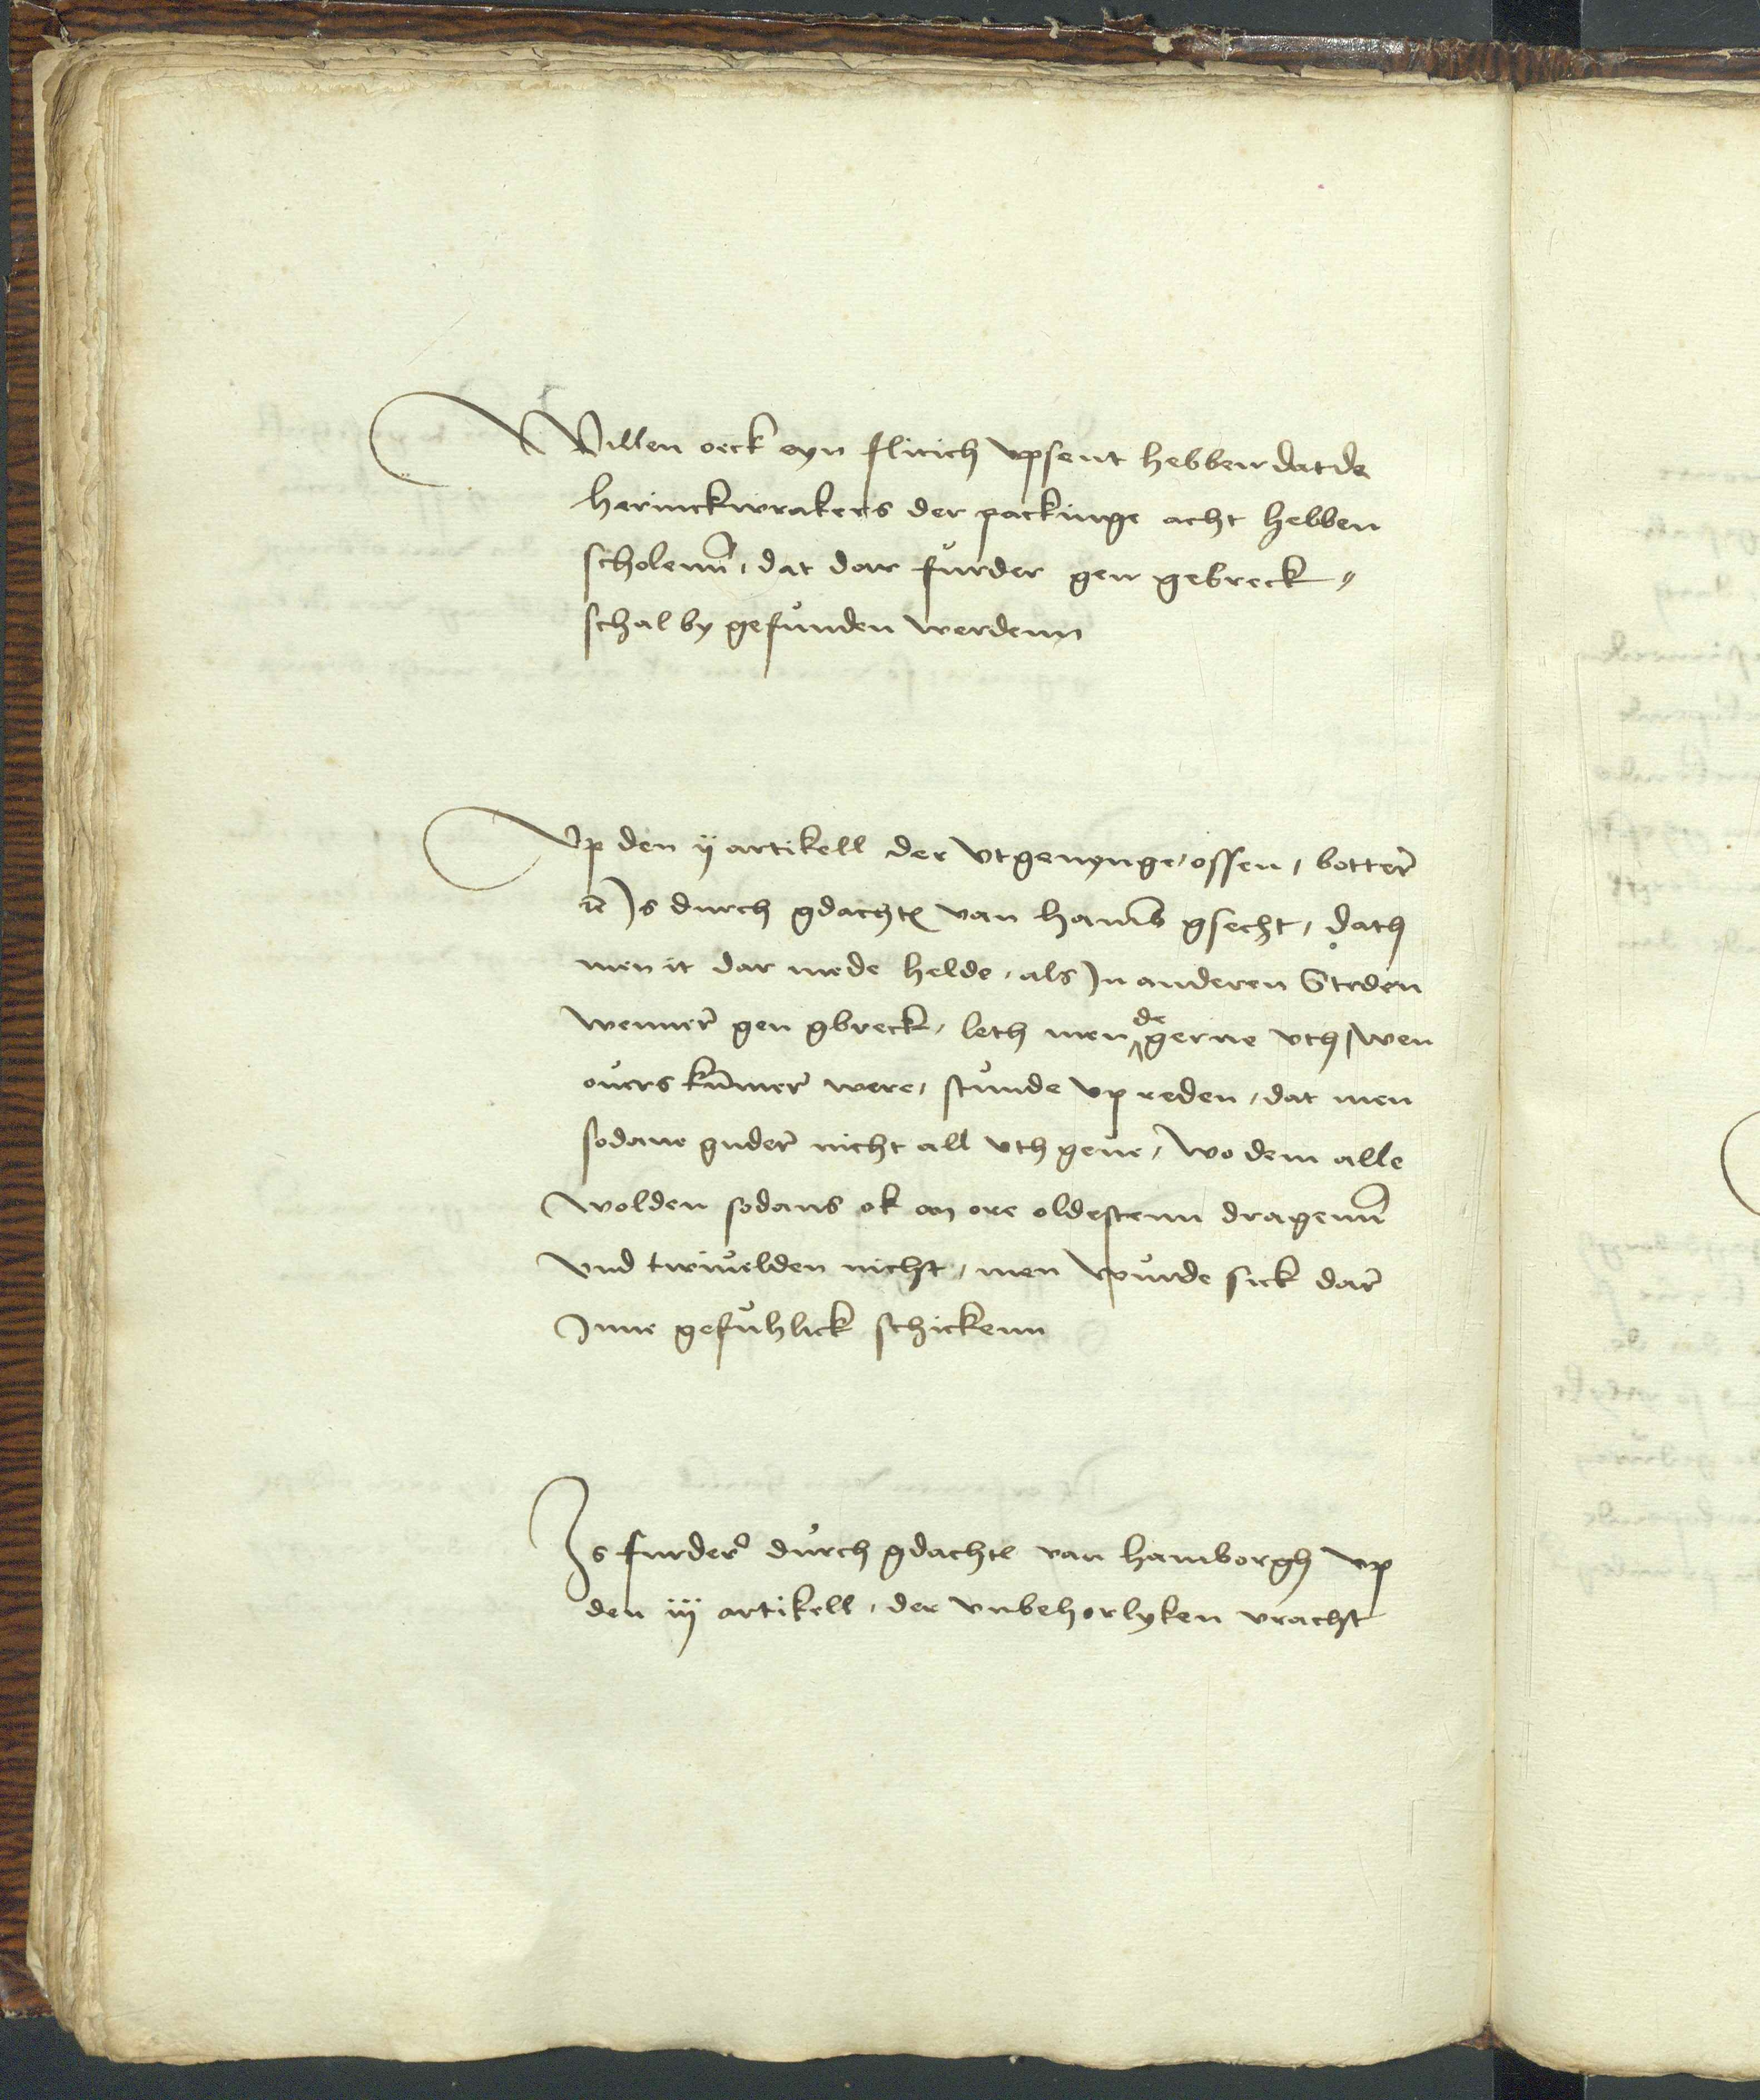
Willen oeck eyn flitich vpsent hebben darde
herinckwrakers der packinge acht hebben
scholenn, dat dar furder gen gebreck
schal by gefunden werdenn
Vp den ij artikell der vtgeuynge, ossen, botter
etc Js durch gdachten van hamburg gsecht, dath
men it dar mede helde, als Jn anderen Steden
wenner gen gbreck, leth men de gerne vth, wen
ouers kummer were, stunde vp reden, dat men
sodane guder nicht all uth geue, wo dem alle
wolden sodans ok an ore oldestenn dragenn
vnd twiuelden nicht, men wurde sick dar
Jnne gefuhlick schickenn
Js furder durch gdachte van hamborgh vp
den iij artikell, der vnbehorlyken vracht
